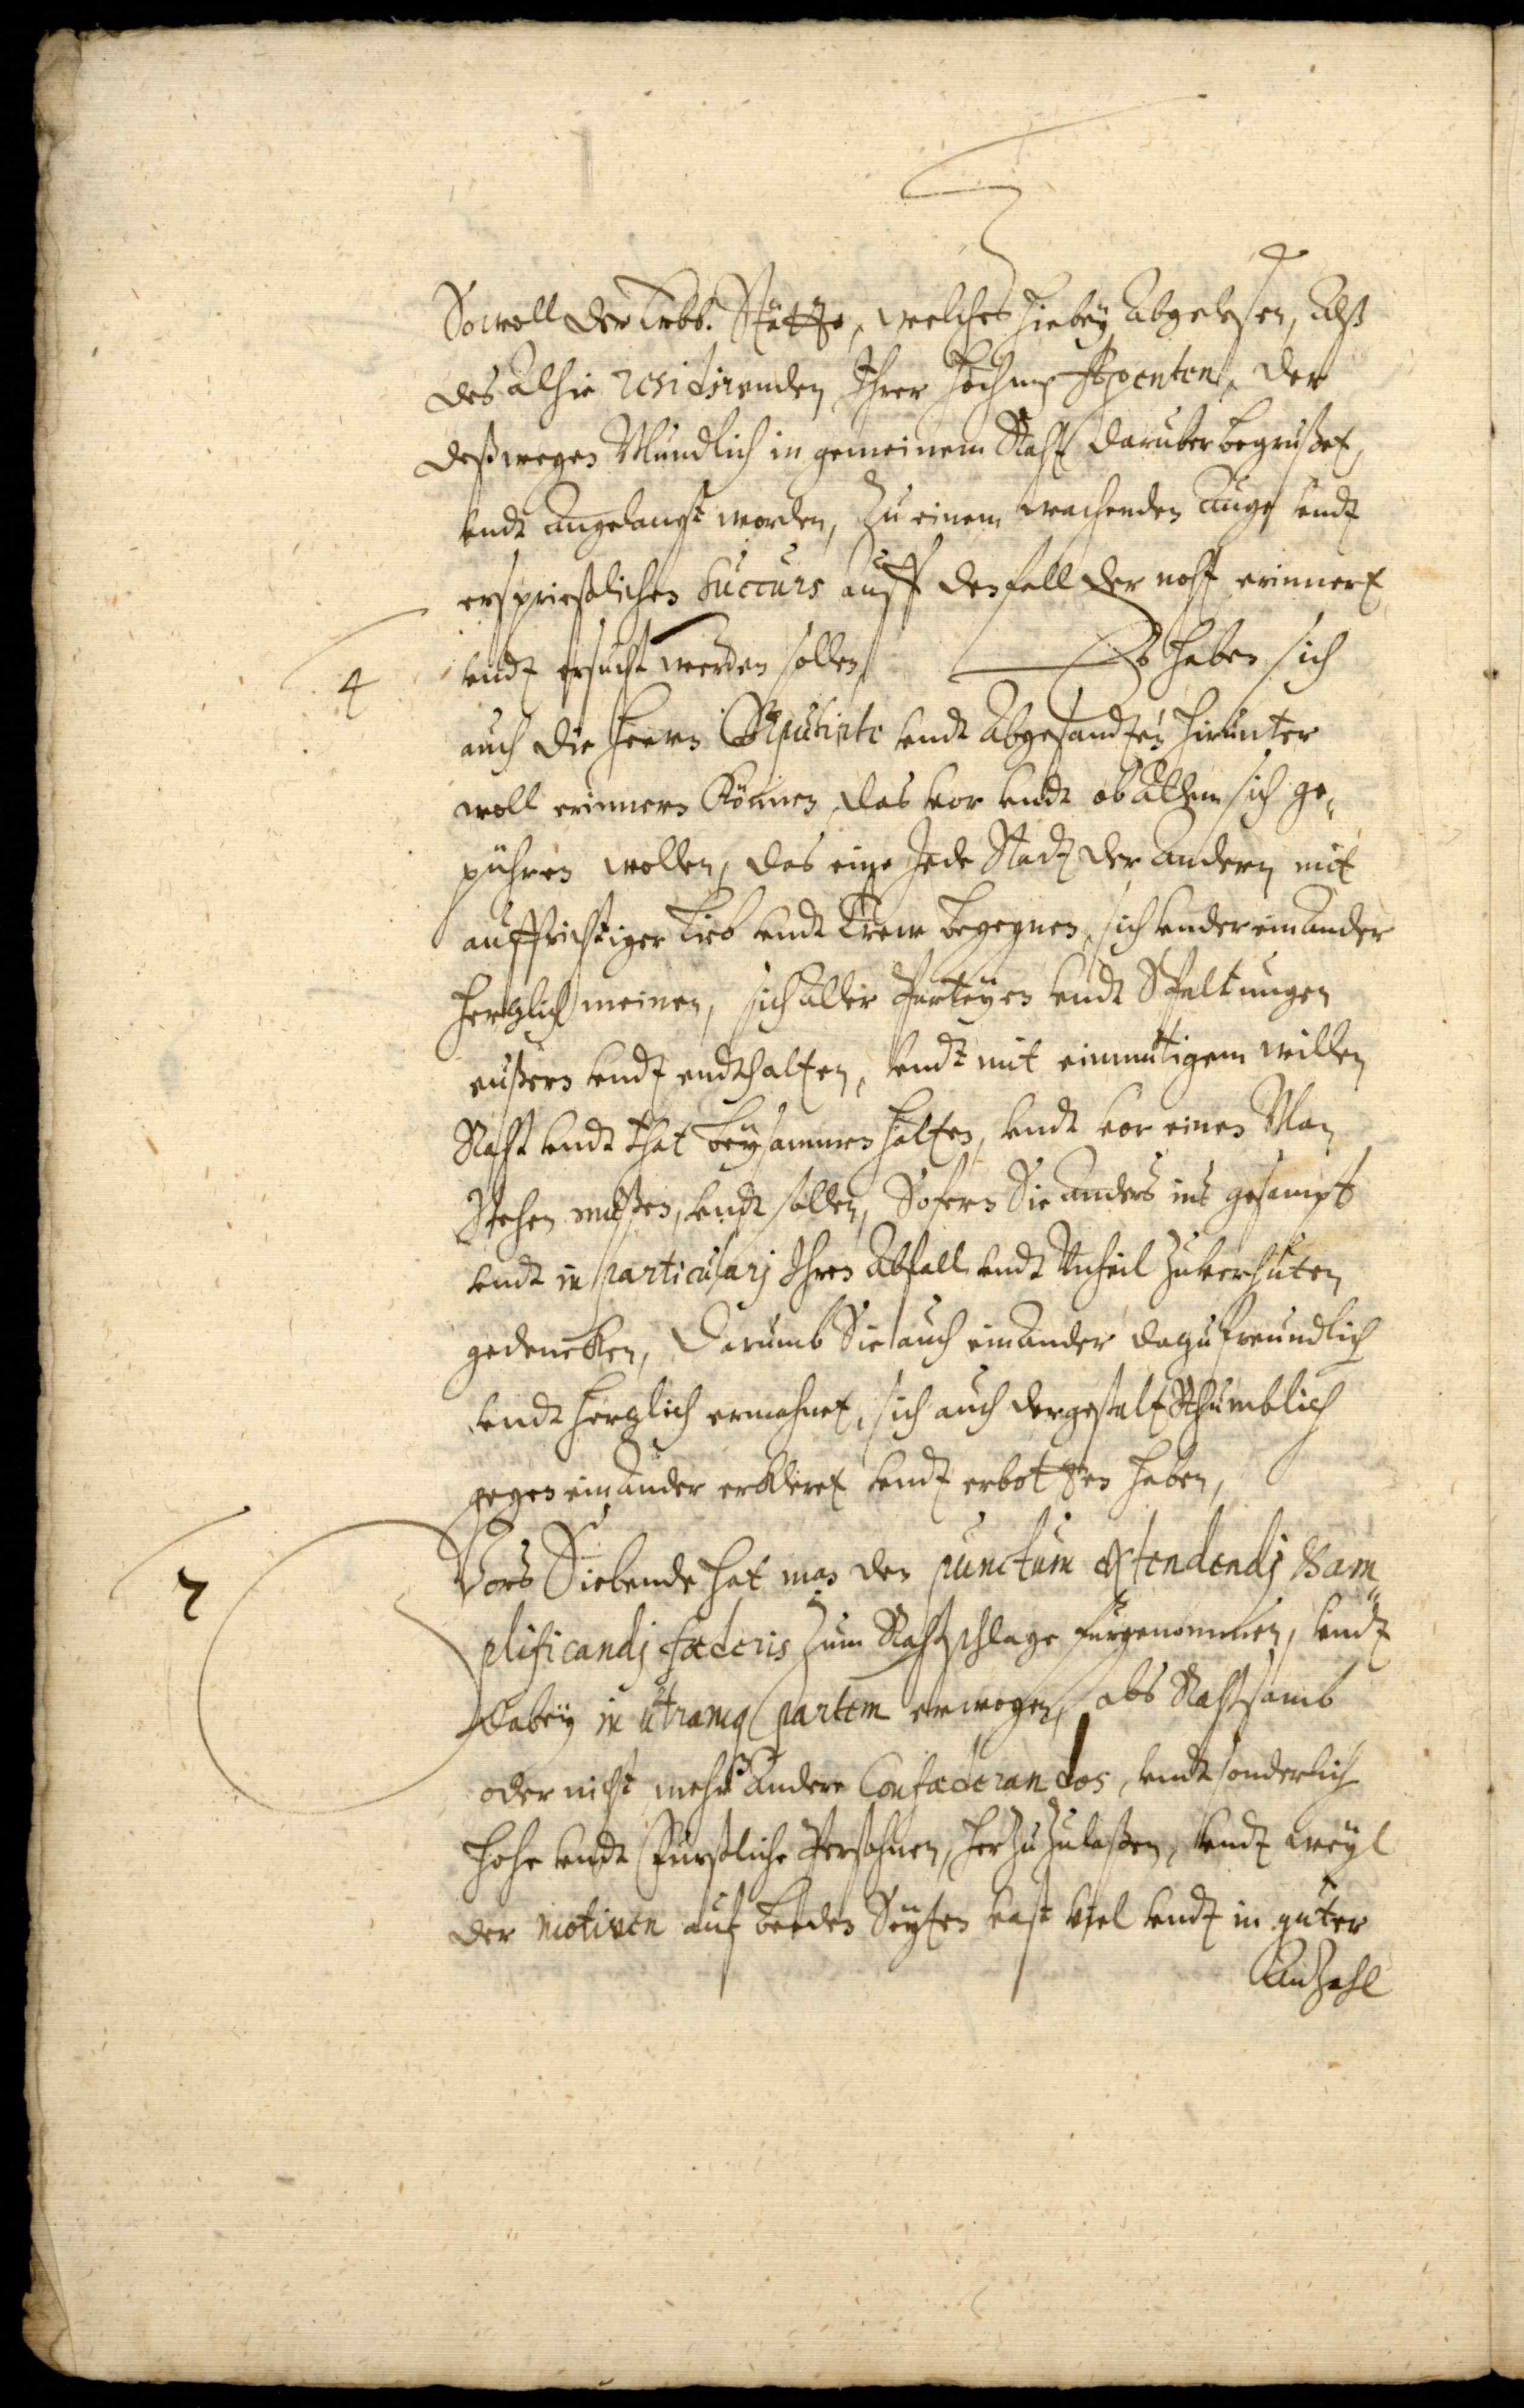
Sowoll der Erbb. Stätte, welches hiebeij Abgelesen, Alß
des Alhie residirenden Ihrer hochm. Agenten, der
deßwegen Mundlich in gemeinem Raht daruber begrußet,
vndt Angelangt worden, zu einem wachenden Auge vndt
ersprießlichen Succurs auff den fall der noht erinnert
vndt ersucht werden sollen, So haben sich
auch die herrn Deputirte vndt Abgesandten hirunter
woll erinnern können, das vor vndt ob Allem sich ge¬
pühren wollen, das eine Jede Stadt der Andern mit
auffrichtiger Lieb vndt Trew begegnen, sich vnder ein Ander
hertzlich meinen, sich Aller Parteijen vndt Spaltungen
eußern vndt endthalten, vndt mit einmutigem willen
Raht vndt That beijsammen halten, vndt vor einen Man
Stehen mußen, vndt sollen, So fern Sie Anders ins gesampt
vndt in particularj Ihren Abfall vndt Vnheil zuverhuten
gedencken, darumb Sie auch ein Ander datzu freundlich
vndt hertzlich ermahnet, sich auch dergestalt Rhumblich
gegen ein Ander erkleret vndt erbotten haben,
Vors Siebende hat man den punctum extendendj sam¬
plificandj foederis zum Rahtschlage furgenommen, vndt
dabeij in utramque partem erwogen, obs Rahtsamb
oder nicht mehr Andere Confoederandos, vndt sonderlich
hohe vndt Furstliche Persohnen, herzu zulaßen, vndt weijl
der motiven auf beeden Seijten vast viel vndt in guter
Anzahl
4
7
